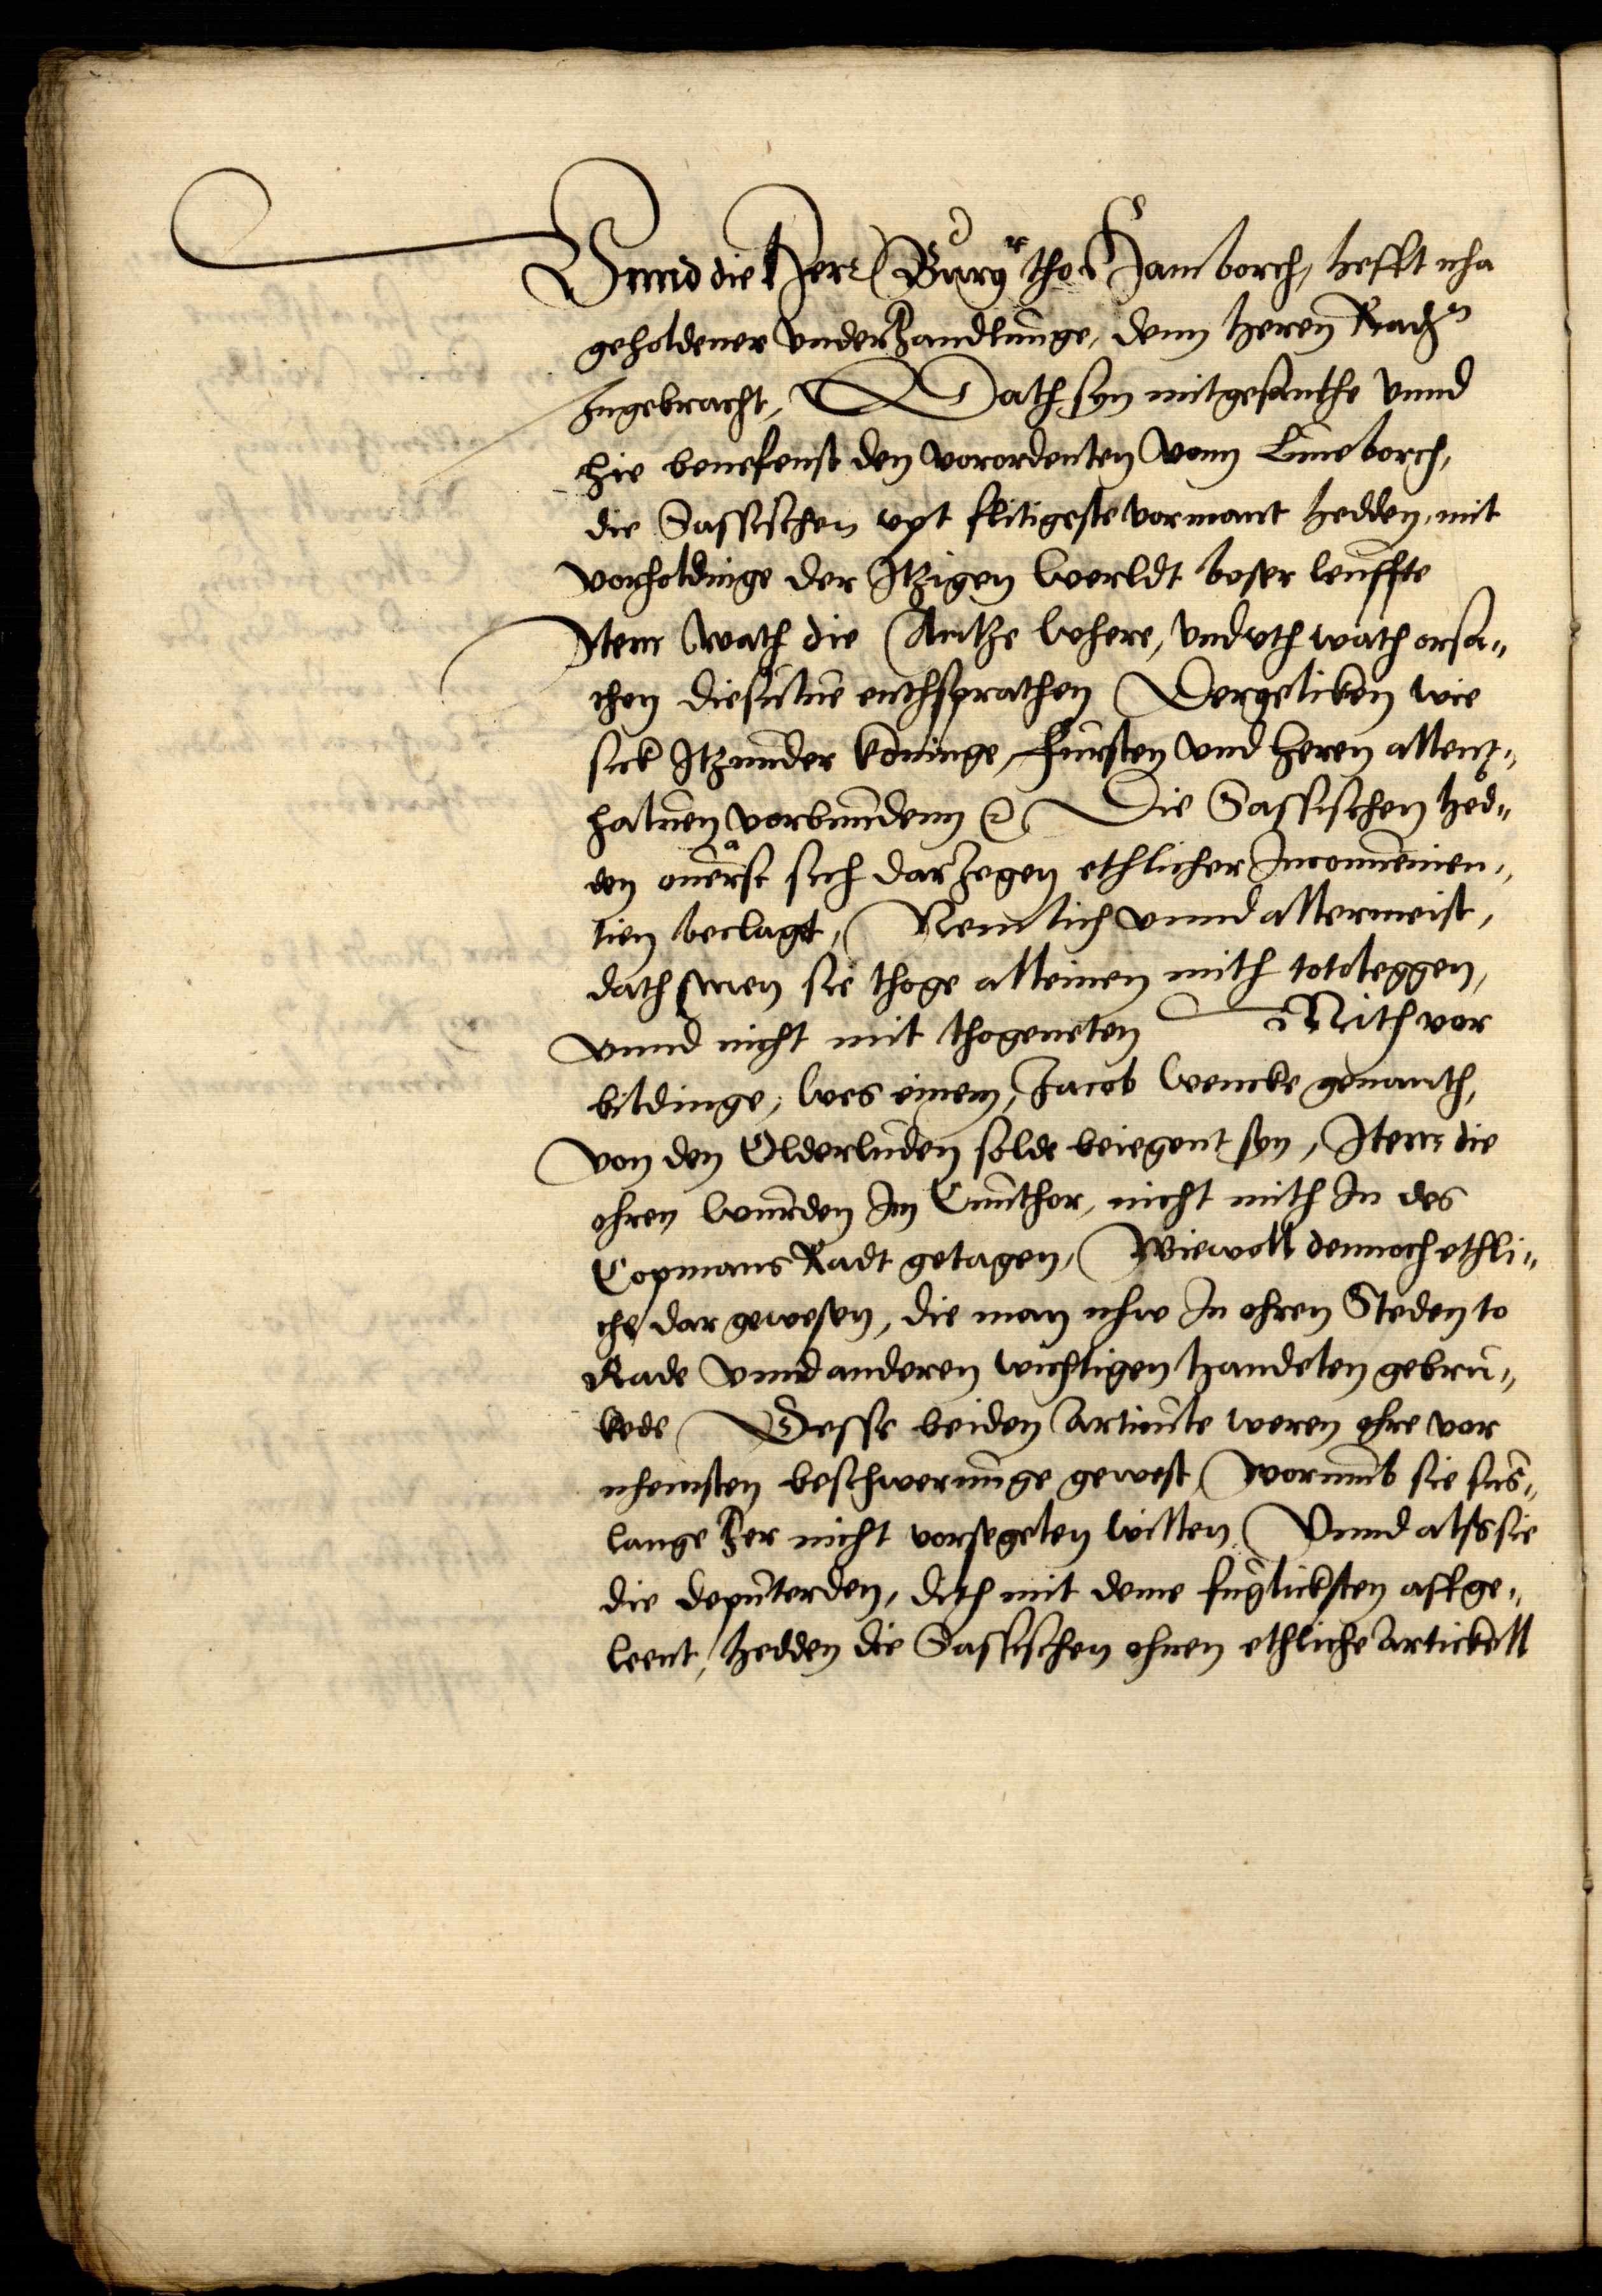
Vnnd die Herr Burgermeister tho Hamborch, hefft nha
geholdener vnderhandlunge, denn Heren Radessendeboden
Ingebracht, Dath syn mitgesanthe vnnd
hie benefenst den vorordenten vonn Luneborch,
die Sassischen vpt flitigeste vormant Hedden, mit
vorholdinge der Itzigen Werldt boser leuffte
Item wath die Antze where, vnd vth wath orsa¬
chen diesulue enthsprathen Dergelicken wie
seck Itzunder Koninge, Fursten vnd Heren allent¬
haluen vorbundenn etc Die Sassischen hed¬
a
den ouerst sich darIegen ethlicher Inconuenien¬
tien beclagt, Nemlich vnnd allermeist,
dath men sie thoge alleinen mith totoleggen,
vnnd nicht mit thogeneten Mith vor
bildinge, wes einem, Iacob wencke genanth,
von den Olderluden solde beiegent syn, Item die
ohren wurden Im Cunthor, nicht mith In des
Copmans Radt getagen, Wiewoll dennoch ethli¬
che dar gewesen, die man nhw In ohren Steden to
Rade vnnd anderen wichtigen handelen gebru¬
kede Desse beiden Articule weren ohre vor¬
nhemsten beschwerunge gewest, worumb sie sus¬
lange her nicht vorsegelen willen, Vnnd alß sie
die deputerden, dith mit denne fuglicksten affge¬
went, hedden die Sassischen ohnen ehtliche Artickell
